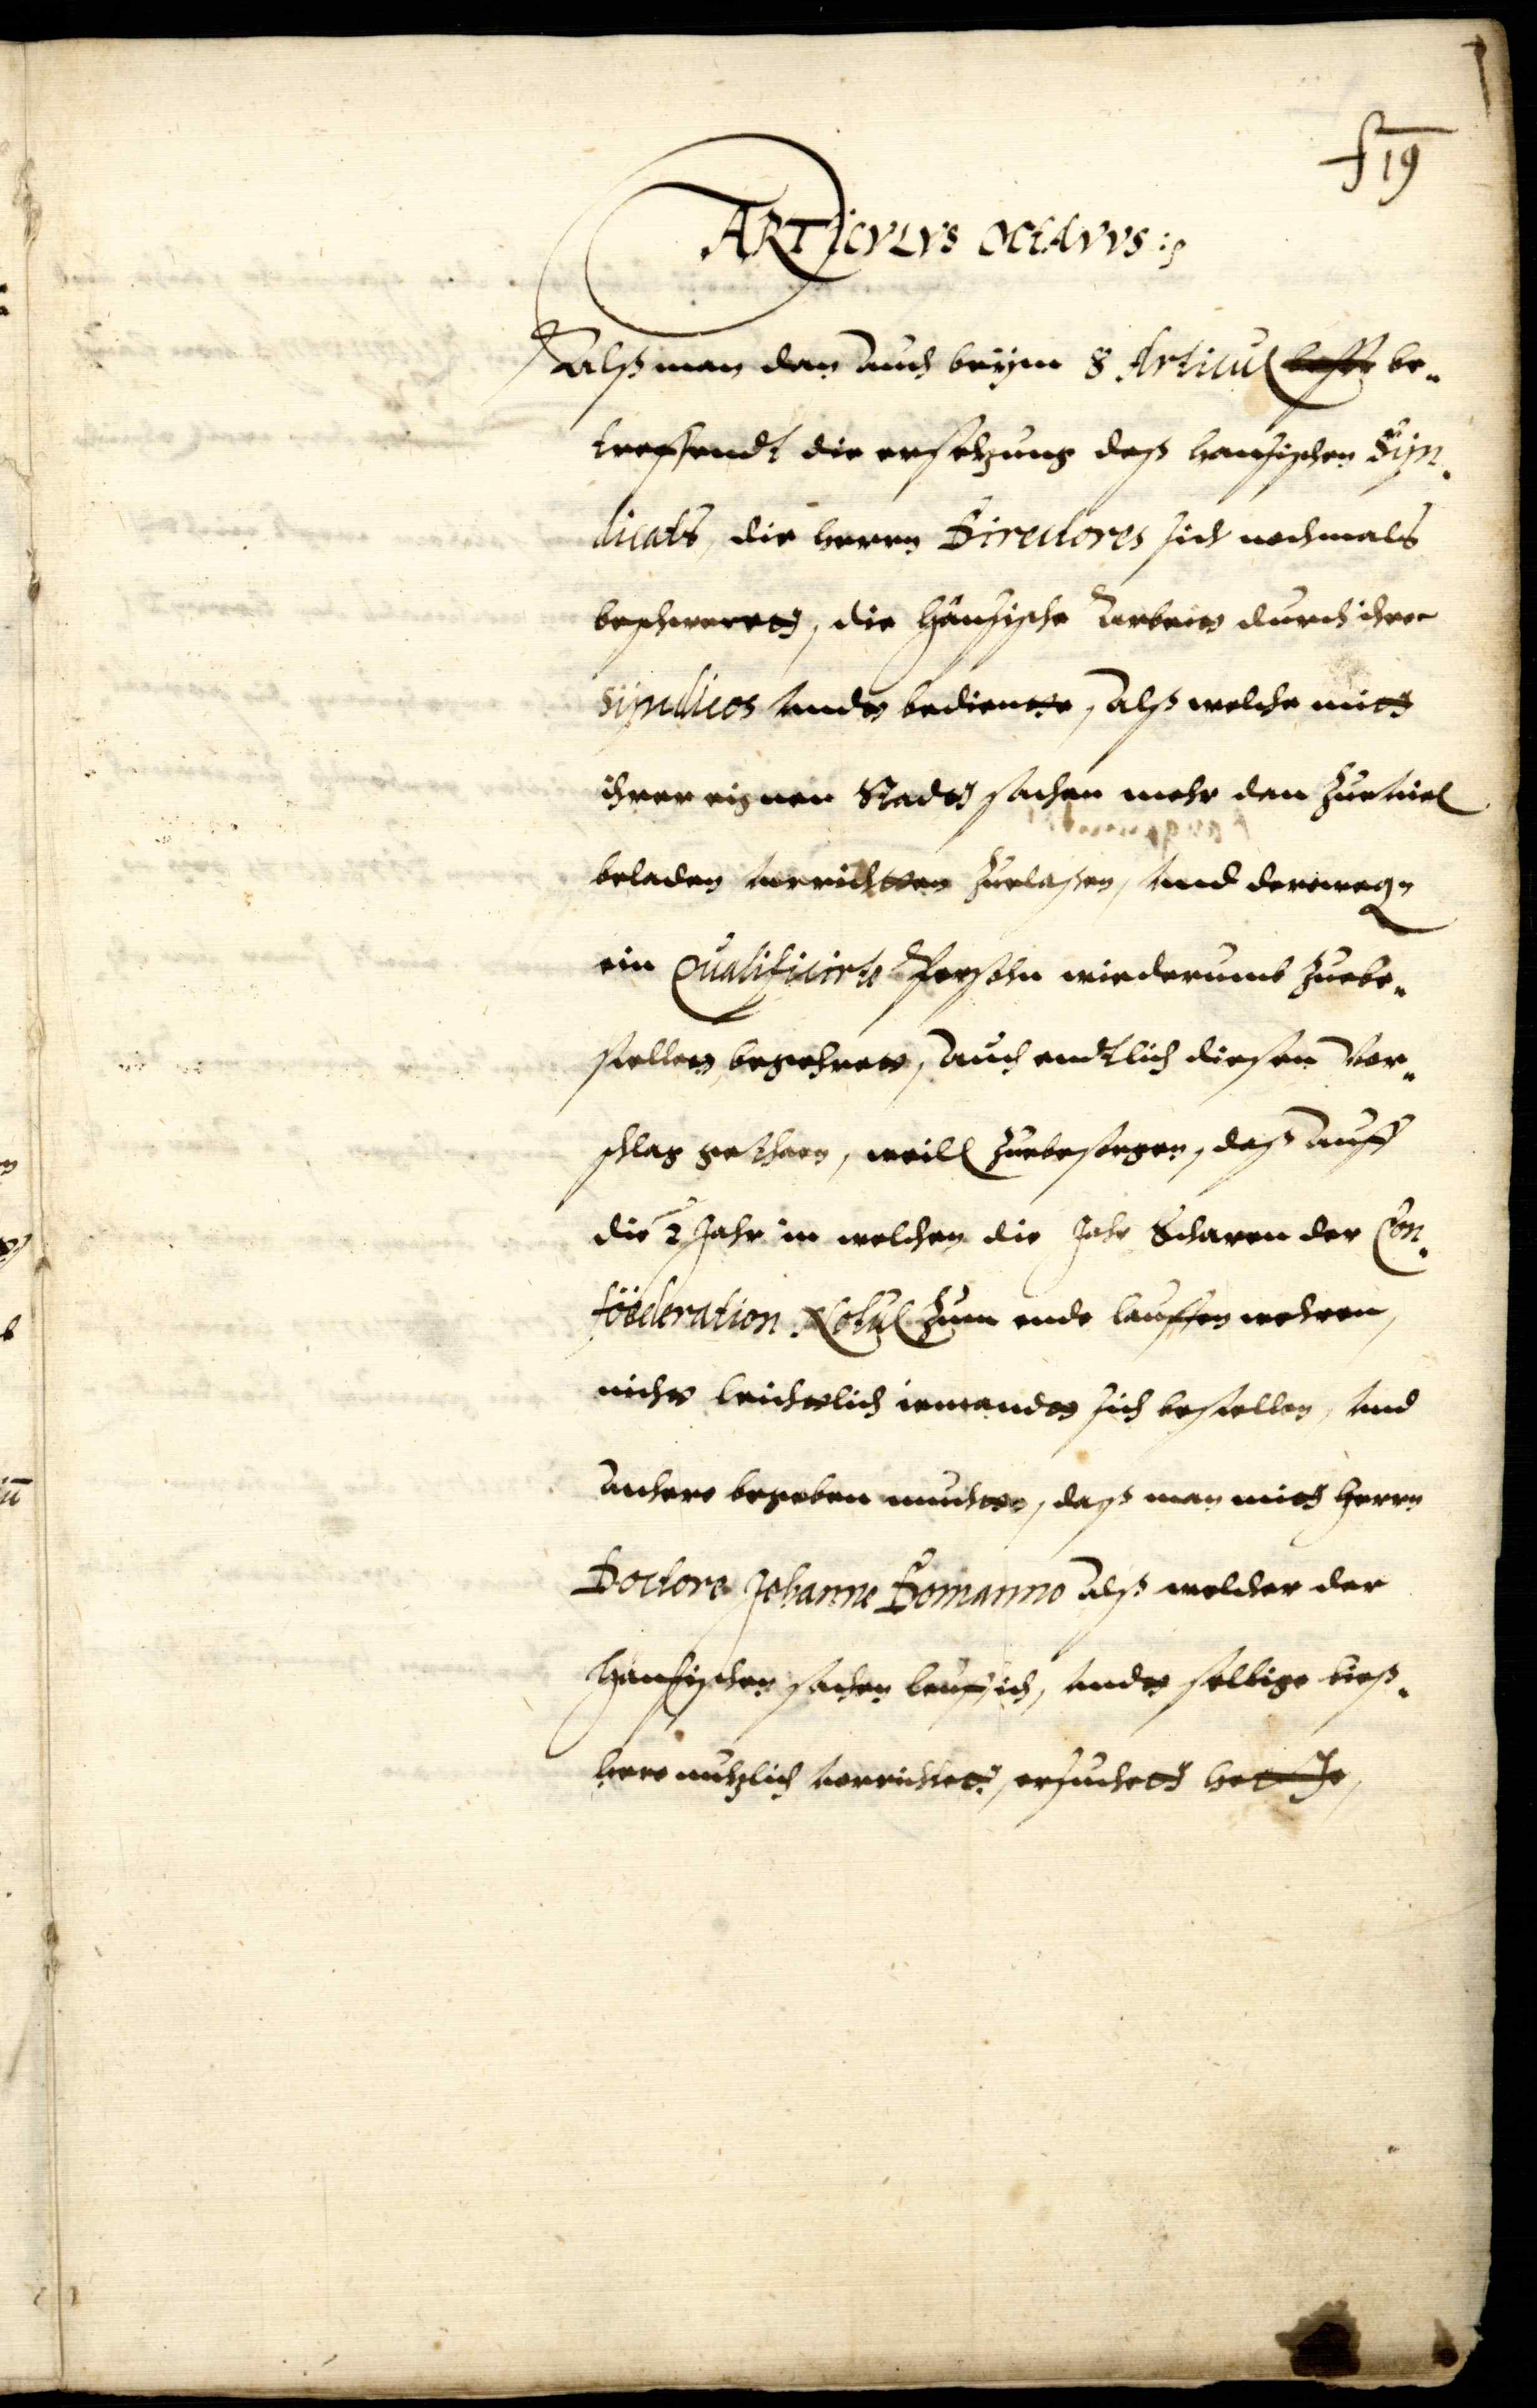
f 19
ARTICVLVS OCTAVVS:p
Alß man dan Auch beijm 8. Articul best be¬
treffendt die ersetzung deß hansischen Sijn¬
dicats die herrn Directores sich nochmals
beschwerett, die Hänsische Arbeitt durch ihren
Sijndicos vndtt bedientte, Alß welche mitt
ihrer eigenen Stadt sachen mehr dan zueviel
beladen verrichtten zuelaßen, vnd derowegen
ein qualificirte Persohn wiederumb zuebe¬
stellen begehrett, Auch endtlich diesen Vor¬
schlag gethan, weill zuebesorgen, daß Auff
die 2 Jahr in welchen die Jahr Scharen der Con¬
föderation Notul zum ende lauffen wehren,
nichtt leichttlich iemandtt sich bestellen, vnd
Anhero begeben muchtte, daß man mitt Herrn
Doctore Johanne Domanno Alß welcher der
Hansischen sachen leuffich, vndtt selbige bieß¬
hero nutzlich verricht ersuchett hette,
